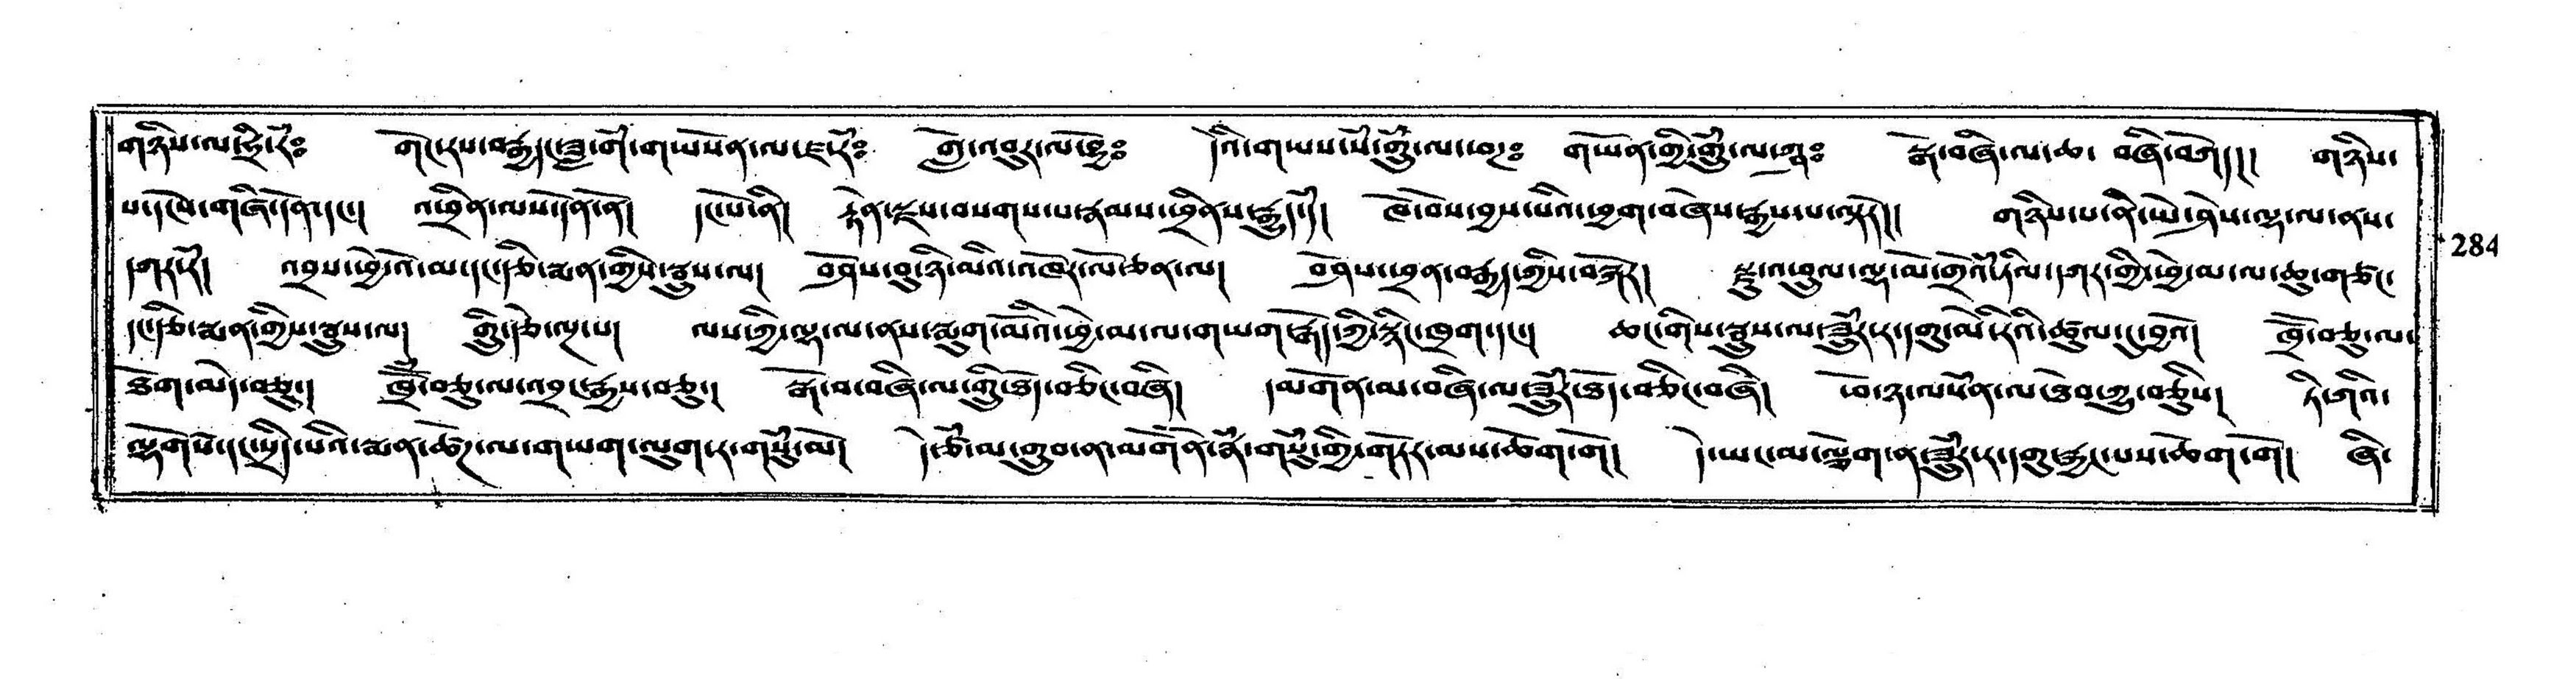གཉིས་ལ་ཧྲི་རཾཿ གོང་རས་བརྒྱད་དང་ཟླ་གམ་གཡས་གཡོན་ལ་ཛ་རཾཿ གློ་འབུར་ལ་བྷྱོཿ དེའི་གཡས་སཾ་གྲུ་གསུམ་ལ་ཕཊཿ གཡོན་གྱི་གྲུ་གསུམ་ལ་ཀྴཿ སྒོ་བཞི་ལ་ཆ་བཞི་བཀོད།། གཉིས་
པ་དངོས་གཞི་དོན་དང་། འཕྲིན་ལས་དོན་ནོ། དང་པོ་ནི། རྟེན་རྫས་བསགས་པ་རྣམས་ཕྲིན་ལས་རྒྱུད་དམ། ཁོ་བོས་བྱས་པའི་ཕྱག་བཞེས་རྒྱས་པ་ལྟར་རོ། གཉིས་པ་ནི་ཡེ་ཤེས་ལྷ་ལ་ནས་
དཀར་རམ། འབྲས་ཕྱེ་འོ་མ་དང་རྩི་སྨན་གྱིས་སྦྲུས་ལ། བཤོས་བུ་ཉི་མའི་འཁོར་ལོ་ཅན་ལ། བཤོས་ཕྲན་བརྒྱད་ཀྱིས་བསྐོར། རྫུ་འཕྲུལ་ལྷ་མོ་གྲོའམ་ཏིལ་དཀར་གྱི་ཕྱེ་མ་ལ་ཆུ་གཙང་
དང་རྩི་སྨན་གྱིས་སྦྲུས་ལ། གྲུ་བཞི་རྩེ་ལྔ་པ། ལས་ཀྱི་ལྷ་ལ་ནས་སྨུག་མོའི་ཕྱེ་མ་ལ་གཡག་རྒོད་ཀྱི་སྙིང་ཁྲག་དང་། ཆང་གིས་སྦྲུས་ལ་ཟུར་གསུམ་ར་དགུ་མེ་རིའི་ཚུལ་དུ་བྱའོ། ཁྲོ་བོ་བཅུ་ལ་
ཐོག་མེད་བཅུ། ཁྲོ་མོ་བཅུ་ལ་འབྲང་རྒྱས་བཅུ། སྒོ་བ་བཞི་ལ་གྲུ་བཞི་ཐོད་བཅིང་བཞི། དམག་དཔོན་མ་བཞི་ལ་ཟུར་གསུམ་ཐོད་བཅིང་བཞི། ཕོ་ཉ་ལས་མཁན་ལ་ཐེབ་ཀྱུ་བཅུ་གཉིས། ཏི་ཀའི་
ལྷ་ཚོགས་དང་སྲིད་པའི་སྨན་ཚོགས་ལ་གཡག་ལུག་ར་གསུམ་མོ། དེ་ཙམ་མ་གྲུབ་ན་མགོན་པོ་རྣམ་གསུམ་གྱི་གཏོར་མས་ཆོག་གོ དེ་ཡང་མ་ལྕོག་ན་ཟུར་གསུམ་ར་དགུ་རྐྱང་པས་ཆོག་གོ ཞི་